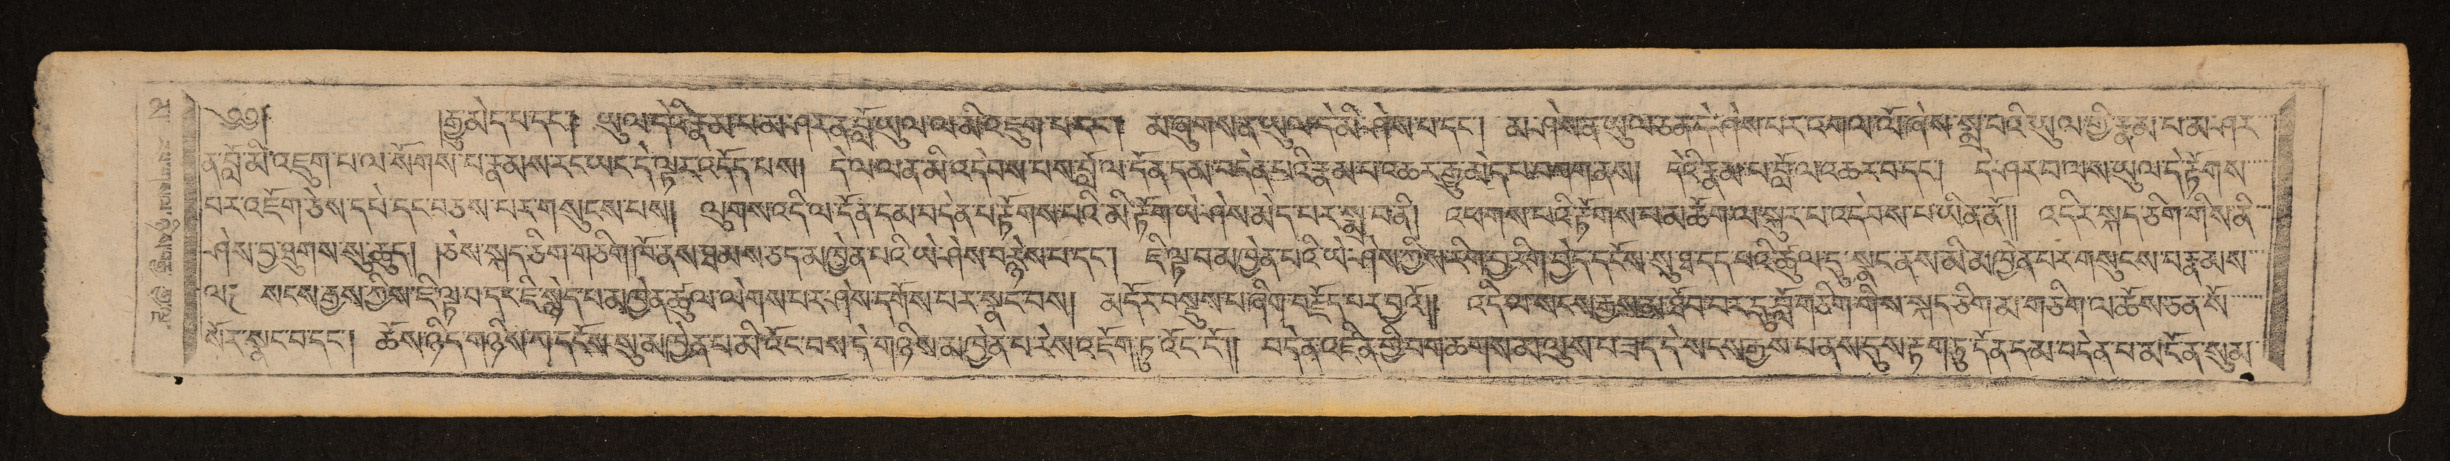༄༅། །རྒྱུ་མེད་པ་དང་། ཡུལ་དེའི་རྣམ་པ་མ་ཤར་ན་བློ་ཡུལ་ལ་མི་འཇུག་པ་དང་། མ་ཞུགས་ན་ཡུལ་དེ་མི་ཤེས་པ་དང་། མ་ཤེས་ན་ཡུལ་ཅན་དེ་ཤེས་པར་འགལ་ལོ་ཞེས་སྨྲ་བའི་ཡུལ་གྱི་རྣམ་པ་མ་ཤར་
ན་བློ་མི་འཇུག་པ་ལ་སོགས་པ་རྣམས་རང་ཡང་དེ་ལྟར་འདོད་པས། དེ་ལ་ལན་མི་འདེབས་པས་བློ་ལ་དོན་དམ་བདེན་པའི་རྣམ་པ་འཆར་རྒྱུ་མེད་པ་བཀག་ནས། དེའི་རྣམ་པ་བློ་ལ་འཆར་བ་དང་། དེ་ཤར་བ་ལས་ཡུལ་དེ་རྟོགས་
པར་འཇོག་ཅེས་དཔེ་དང་བཅས་པར་གསུངས་པས། ལུགས་འདི་ལ་དོན་དམ་བདེན་པ་རྟོགས་པའི་མི་རྟོག་ཡེ་ཤེས་མེད་པར་སྨྲ་བ་ནི། འཕགས་པའི་རྟོགས་པ་མཆོག་ལ་སྐུར་བ་འདེབས་པ་ཡིན་ནོ།། འདིར་སྐད་ཅིག་གིས་ནི་
ཤེས་བྱ་ཐུགས་སུ་ཆུད། །ཅེས་སྐད་ཅིག་གཅིག་ཁོ་ནས་ཐམས་ཅད་མཁྱེན་པའི་ཡེ་ཤེས་བརྙེས་པ་དང་། ཇི་ལྟ་བ་མཁྱེན་པའི་ཡེ་ཤེས་ཀྱིས་རིག་བྱ་རིག་བྱེད་དངོས་སུ་ཐ་དད་པའི་ཚུལ་དུ་སྣང་ནས་མི་མཁྱེན་པར་གསུངས་པ་རྣམས་
ལ༑ སངས་རྒྱས་ཀྱིས་ཇི་ལྟ་བ་དང་ཇི་སྙེད་པ་མཁྱེན་ཚུལ་ལེགས་པར་ཤེས་དགོས་པར་སྣང་བས། མདོར་བསྡུས་པ་ཞིག་བརྗོད་པར་བྱའོ།། འདི་ལ་སངས་རྒྱས་མ་ཐོབ་པར་དུ་བློ་གཅིག་གིས་སྐད་ཅིག་མ་གཅིག་ལ་ཆོས་ཅན་སོ་
སོར་སྣང་བ་དང་། ཆོས་ཉིད་གཉིས་ཀ་དངོས་སུ་མཁྱེན་པ་མི་འོང་བས་དེ་གཉིས་མཁྱེན་པ་རེས་འཇོག་ཏུ་འོང་ངོ།། བདེན་འཛིན་གྱི་བག་ཆགས་མ་ལུས་པ་ཟད་དེ་སངས་རྒྱས་པ་ནས་དུས་རྟག་ཏུ་དོན་དམ་བདེན་པ་མངོན་སུམ་